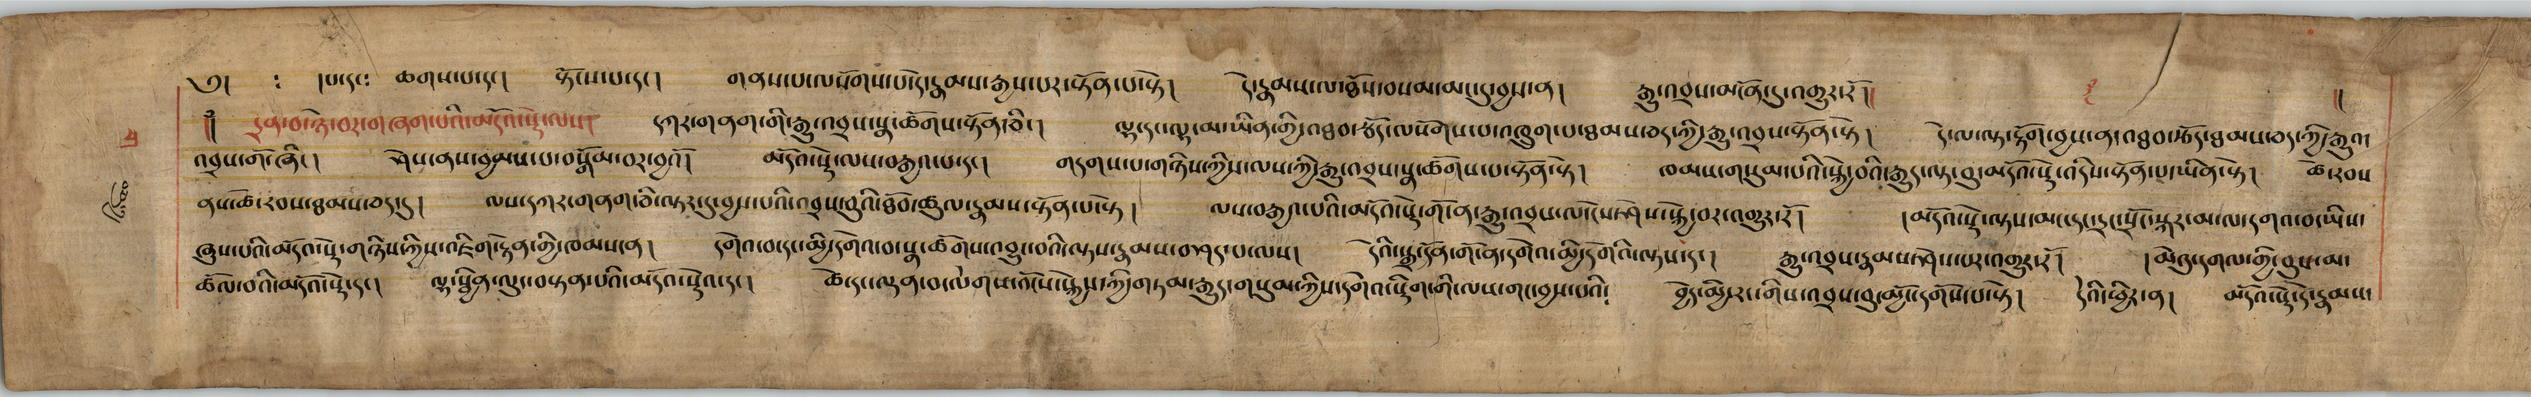༅། : །པ་དང: ཆགས་པ་དང། སྟོངས་པ་དང། གནས་པ་ལསོགས་པ་དེ་རྣམས་རྒྱས་པར་སྟོན་པ་སྟེ། དེ་རྣམས་ལ་ཐོས་བསམ་མང་དུ་བྱས་ན། རྒྱུ་འབྲས་མངོན་དུ་འགྱུར་རོ།།
།། དྲན་བ་ཉེ་བར་གཞག་པའི་མདོའ་སྡེ་ལས། དཀར་ནག་གི་རྒྱུ་འབྲས་སྣ་ཚོགས་སྟོན་ཅིང། ལྷ་དང་ལྷ་མ་ཡིན་གྱི་འཐབ་རྩོད་ལསོགས་པ་འཁྲུག་པ་ཐམས་ཅད་ཀྱི་རྒྱུ་འབྲས་སྟོན་སྟེ། དེ་ལ་ལྟ་རྟོག་བྱས་ན་འཐབ་རྩོད་ཐམས་ཅད་ཀྱི་རྒྱུའ་
འབྲས་གོ་ཞིང། ཤེས་ནས་བྱམས་པ་བསྒོམ་བར་བྱའོ། མདོའ་སྡེ་ལས་བརྒྱའ་པ་དང། གདགས་པ་གཉིས་ཀྱིས་ལས་ཀྱི་རྒྱུ་འབྲས་སྣ་ཚོགས་པ་སྟོན་སྟེ། ཁམས་གསུམ་པའི་སྐྱེ་བའི་རྒྱུད་ལྟ་བུ་མདོའ་སྡེ་འདིས་སྟོན་པ་ཡིན་སྟེ། ཚེ་རབས
ནས་ཚེ་རབས་ཐམས་ཅད་དུ། ལས་དཀར་གནག་ཅི་ལྟར་དུ་བྱས་པའི་འབྲས་བུའི་ཐོབ་ཚུལ་རྣམས་སྟོན་པ་སྟེ། ལས་བརྒྱའ་པའི་མདོའ་སྡེ་གོ་ན་རྒྱུ་འབྲས་ལ་ངེས་ཤེས་སྐྱེ་བར་འགྱུར་རོ། །མདོའ་སྡེ་ལྟས་མང་དང་དྲང་སྲོང་སྐར་མ་ལ་དགའ་བ་ཡིས་
ཞུས་པའི་མདོའ་སྡེ་གཉིས་ཀྱིས་འཇིག་རྟེན་གྱི་ཁམས་ན། དགེའ་བ་དང་མྱི་དགེའ་བ་སྣ་ཚོགས་འབྱུང་བའི་ལྟས་རྣམས་བཤད་པ་ལས། དེའི་སྒྲ་དོན་གོ་ན་དགེའ་མྱི་དགེའི་ལྟས་དང། རྒྱུ་འབྲས་རྣམས་ཤེས་པར་འགྱུར་རོ། །མེའུ་དགལ་གྱི་བུས་མ་
ཆོལ་བའི་མདོའ་སྡེ་དང། ལྷ་སྦྱིན་ལུང་བསྟན་པའི་མདོའ་སྡེའ་དང། ཚེ་དང་ལྡན་བ་ལེགས་འོངས་སྐྱེས་ཀྱི་གཏམ་རྒྱུད་གསུམ་ཀྱིས་དགེའ་སྡིག་གི་ལས་གང་བྱས་པའི། བྱེད་མྱི་རང་གིས་འབྲས་བུ་མྱོང་དགོས་པ་སྟེ། དེའི་ཕྱིར་ན། མདོའ་སྡེ་དེ་རྣམས་